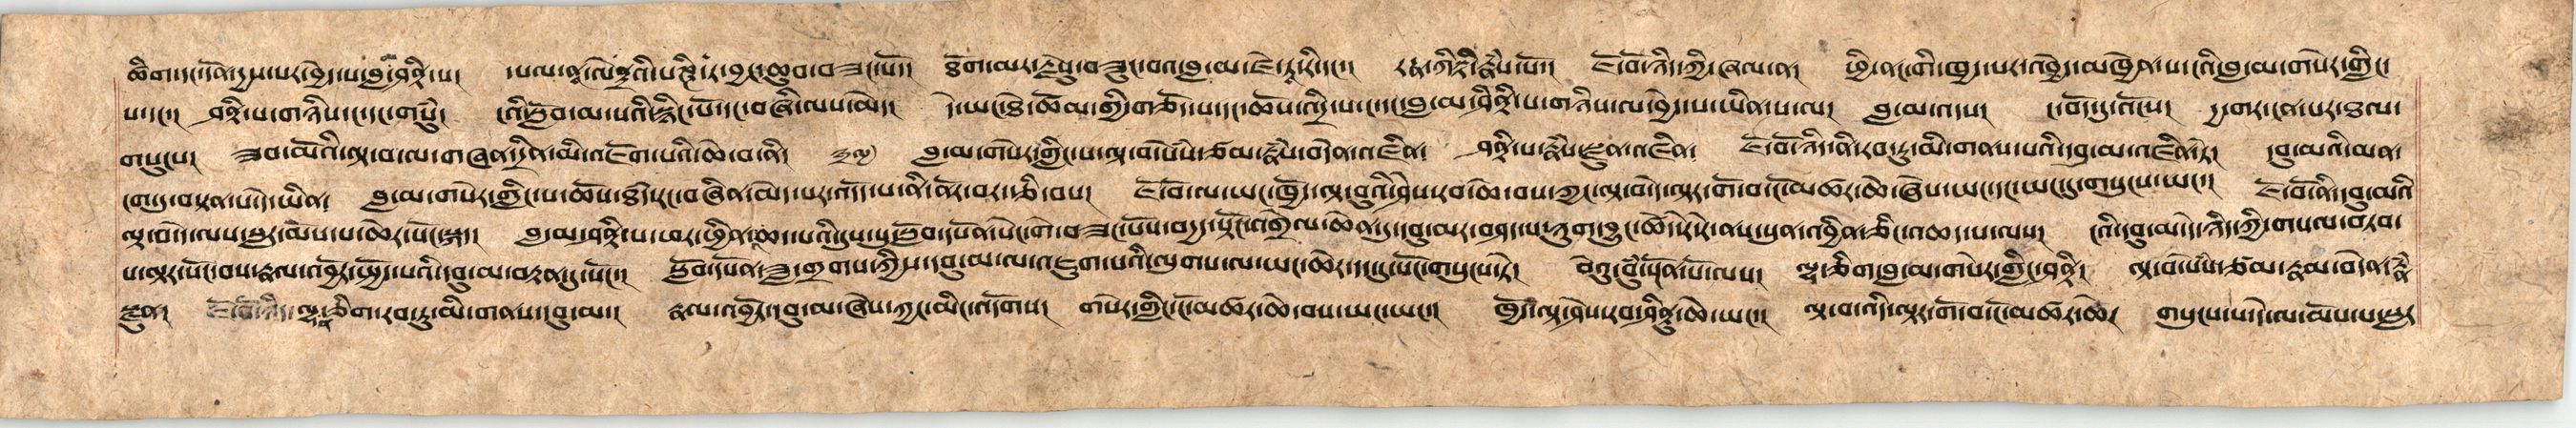ཚིག་དང་དོན་རྒྱས་པར་བྱེད་པའི་བླ་མ་ཤནྟི་པ། དཔལ་ནཱ་ལེནྡྲའི་པཎྜི་ཏ་བྱང་ཆུབ་བཟང་པོ། ཐོག་མར་རྗེས་སུ་བཟུང་བའ་བླ་མ་ཛེ་ཏཱ་རི་དང་། རངྣ་ཀིརྟི་རྣཾས་སོ་། ཇོ་བོ་ཉིད་ཀྱི་ཞལ་ན། ཕྱི་ནང་གི་ཁྱད་པར་འབྱེད་མཁྱེན་པ་ངའི་བླ་མ་གསེར་གླིང་
པ་དང་། ཤནྟི་པ་གཉིས་ང་དང་གསུཾ། ངའི་སློབ་མ་སའི་སྙིང་པོ་དང་བཞི་ལས་མེད། དེ་ཡང་ཐེ་ཚོམ་གྱི་གཅོད་ས་དང་ཆོས་འདྲི་ས་ང་དང་བླ་མ་ཤནྟི་པ་གཉིས་ལ་བྱེད་པ་ཡིན་པ་ལ། བླ་མ་འདས། ང་བོད་དུ་འོངས། དྱ་གར་ངན་པར་ཐལ་
གསུངས། ཟབ་མོའི་ལྟ་བ་ལ་གཞན་དྲིན་མི་འཇོག་བའི་ཆེ་བ་ནི། ༣༨ བླ་མ་གསེར་གླིང་པ་ལྟ་བ་སེཾས་ཙམ་རྣཾས་བདེན་འཛིན༴ ཤནྟི་པ་རྣཾས་སྫུན་འཛིན༴ ཇོ་བོ་ཉིད་ནི་རབ་ཏུ་མི་གནས་པའི་དབུ་མ་འཛིན་ཏེ། དབུ་མའི་མན་
ངག་ཏུ་བསྟན་པ་དེ་ཡིན། བླ་མ་གསེར་གླིང་པ་ཆོས་ཐཾད་རང་བཞིན་མེད་པར་འདོད་པ་ནི་ནོར་བར་རྩི་བས། ཇོ་བོ་ལ་ཡང་ཁྱོད་ལྟ་བུའི་ཤེས་རབ་ཆེ་བས་ཀྱང་ལྟ་བ་དེ་ལྟར་གོ་བ་ངོ་མཚར་ཆེ་ཞེས་ཡང་དང་ཡང་དུ་གསུངས་ཡང་། ཇོ་བོ་ནི་དབུ་མའི་
ལྟ་བ་དེ་ལས་སླར་མོས་པ་ཆེར་སོང་སྐད། བླ་མ་ཤནྟི་པ་ཕར་ཕྱིན་འཆད་པའི་དུས་སུ་སློབ་དཔོན་སེང་གེ་བཟང་པོས་བདྱད་སྟོང་འགྲེལ་ཆེན་དུ་དབུ་མར་བཤད་པ་ཉུག་བྱུང་ཚེད་རེ་རེ་ནས་སུན་འབྱིན་ཅིང་འཆད་པ་ལས། ངའི་དབུ་མ་དེ་ཉིད་ཀྱིས་གསལ་བཏབ་
པ་ལྟར་སོང་བས་རྣལ་འབྱོར་སྤྱོད་པའི་དབུ་མ་བརྟན་ཏུ་སོང་། སློབ་དཔོན་ཟླ་གྲགས་ཀྱི་དབུ་མ་ལ་འཇུག་པའི་ལུགས་ལ་ཡང་ཆེར་དང་དུ་སོང་གསུངས་ཏེ། བེའུ་བུཾ་སྔོན་པོ་ལས། ལྷ་གཅིག་བླ་མ་གསེར་གླིང་ཤནྟི། ལྟ་བ་སེཾས་ཙམ་རྣམ་བདེན་རྣཾ
སྫུན། ཇོ་བོ་ཉིད་ལྷན་ཅིག་རབ་ཏུ་མི་གནས་དབུ་མ། རྣལ་འབྱོར་དབུ་མ་ཞེས་ཀྱང་མིང་འདོགས། གསེར་གླིང་ངོ་མཚར་ཆེ་བས་ཡང་ཡང་། ཁྱོད་ལྟ་ཤེས་རབ་ཤིནྟུ་ཆེ་ཡང་། ལྟ་བ་འདི་ལྟར་གོ་བ་ངོ་མཚར་ཆེ། གསུངས་པ་དེ་ལ་མོས་པ་སླར